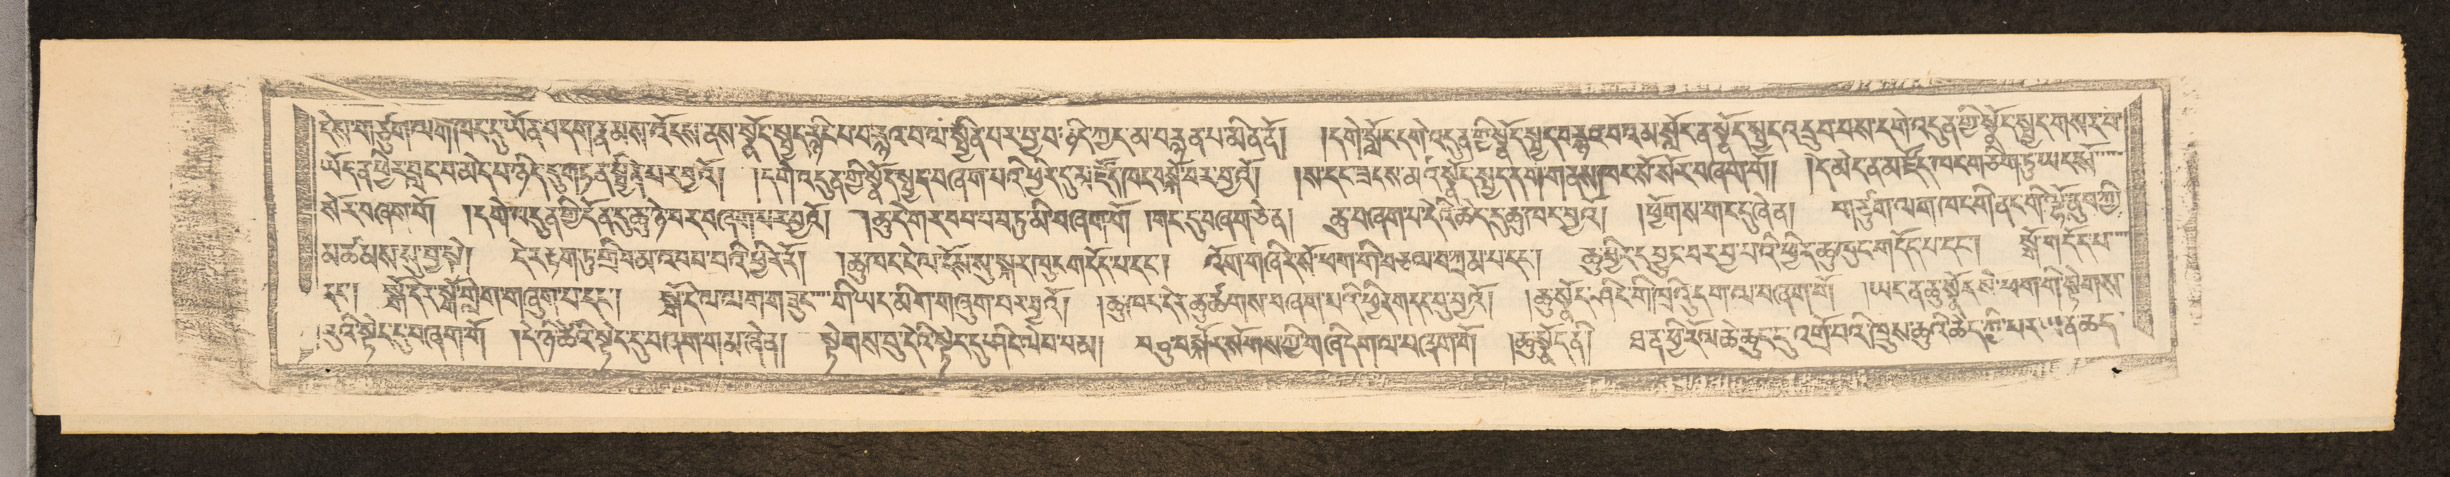ངེས་གཙུག་ལག་ཁང་དུ་ཡོན་བདག་རྣམས་འོངས་ནས་སྣོད་སྦྱད་རྙིང་པ་བརྙའ་བ་ལ་སྦྱིན་པར་བྱ་བ་ཉིད་བྱང་མ་བརྙན་པ་མིན་ནོ། །དགེ་སློང་དགེ་འདུན་གྱི་སྣོད་སྦྱང་བརྙའ་བ་འམ་སློང་ན་སྣོད་སྦྱང་འདྲུབ་བས་དགེ་འདུན་གྱི་སྣོད་སྦྱང་གསར་བ་
ཡོད་ན་ཕྱིར་བླང་བ་མེད་པ་ཉིད་དུ་གཏན་སྦྱིན་པར་བྱའོ། །དགེ་འདུན་གྱི་སྣོད་སྤྱད་བཞག་པའི་ཕྱིར་དུ་མཛོད་ཁང་བསྐོ་བར་བྱའོ། །ས་དང་ཟངས་མའི་སྣོད་སྤྱད་དག་གནས་ཁང་སོ་སོར་བཞག་གོ། །དེ་མེད་ན་མཛོད་ཁང་གཅིག་ཏུ་ཡང་སོ་
སོར་བཞག་གོ །དགེ་འདུན་གྱི་དོན་དུ་ཆུ་ཉེ་བར་བཞག་པར་བྱའོ། །ཆུ་དེ་གར་བབ་བབ་ཏུ་མི་བཞག་གོ །གང་དུ་བཞག་ཅེན། ཆུ་བཞག་བ་དེའི་ཆེད་དུ་ཆུ་ཁང་བྱའོ། །ཕྱོགས་གང་དུ་ཞེ་ན། གཙུག་ལག་ཁང་གི་ནང་གི་ལྷོ་ནུ་བ་ཀྱི་
མཚམས་སུ་བྱ་སྟེ། དེར་རྟག་ཏུ་གྲིབ་མ་འབབ་པའི་ཕྱིར་རོ། །ཆུ་ཁང་དེ་ལ་ངོས་སུ་སྐར་ཁུང་གདོད་པ་དང་། འོག་གཞིར་སོ་ཕག་གི་བཅལ་བཀྲམ་བ་དང་། ཆུ་ཕྱིར་འབྱུང་བར་བྱ་བའི་ཕྱིར་ཆུ་ཁུང་གདོད་པ་དང་། སྒོ་གདོད་པ་
དང་། སྒོ་དེར་སྒོ་གླེག་གཞུག་པ་དང་། སྒོ་དེ་ལ་ལག་གཟུང་གི་ཡང་མིག་གཞུག་པར་བྱའོ། །ཆུ་ཁང་དེར་ཆུ་ཚགས་བཞག་པའི་ཕྱིར་གདད་བུ་བྱའོ། །ཆུ་སྣོད་ཤིང་གི་ཁྲིའུ་དག་ལ་བཞག་བོ། །ཡང་ན་ཆུ་སྣོད་སོ་ཕག་གི་སྟེགས་
བུའི་སྟེང་དུ་བཞག་གོ །དེ་ཉི་ཚེའི་སྟེང་དུ་བཞག་གམ་ཞེ་ན། སྟེགས་བུ་དེའི་སྟེང་དུ་ཤིང་ལེབ་བམ། བཅུ་བསྐོར་སོགས་ཀྱི་གཞི་དག་ལ་བཞག་གོ །ཆུ་སྣོད་ནི། ཐ་ན་ཕྱི་རོལ་ཆེ་ཆུང་དུ་འགྲོ་བའི་ཁྲུས་ཆུའི་ཆེད་ཀྱི་པར་ཡན་ཆད་